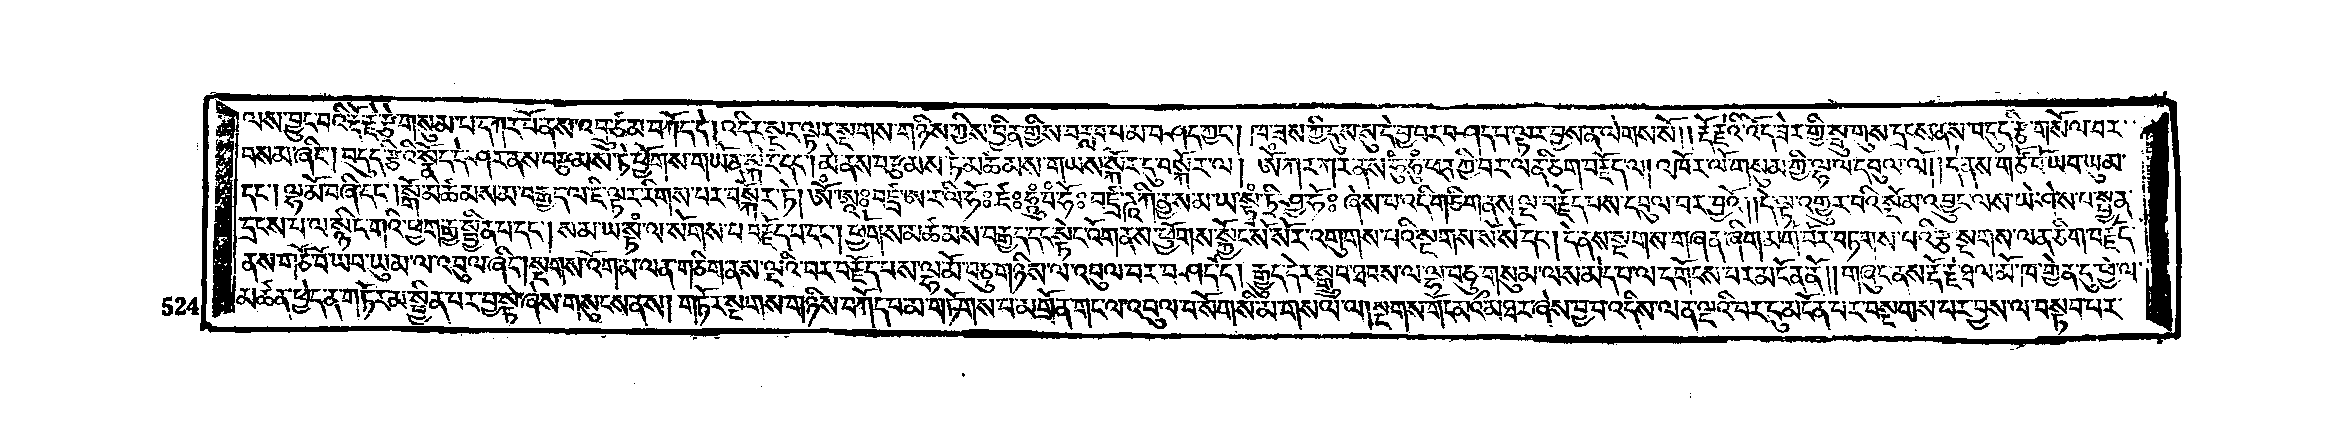ལས་བྱུང་བའི་རྡོ་རྗེ་རྩེ་གསུམ་པ་དཀར་པོ་ནས་འབྲུ་ཙམ་བཀོད་དེ། འདིར་སྔར་ལྟར་སྔགས་གཉིས་ཀྱིས་བྱིན་གྱིས་བརླབ་པ་མ་བཤད་ཀྱང་། ཁ་ཟས་ཀྱི་དུས་སུ་དེ་བྱ་བར་བཤད་པ་ལྟར་བྱས་ན་ལེགས་སོ། །རྡོ་རྗེའི་འོད་ཟེར་གྱི་སྦུ་གུས་དྲངས་ནས་བདུད་རྩི་གསོལ་བར་
བསམ་ཞིང་། བདུད་རྩིའི་སྣོད་དེ་ཤར་ནས་བརྩམས་ཏེ་ཕྱོགས་གཡོན་སྐོར་དང་། མེ་ནས་བརྩམས་ཏེ་མཚམས་གཡས་སྐོར་དུ་བསྐོར་ལ། ཨོཾ་ཀར་ཀ་ར་ནས་ཧུཾ་ཧུཾ་ཕཊ་ཀྱི་བར་ལན་ཅིག་བརྗོད་ལ། འཁོར་ལོ་གསུམ་གྱི་ལྷ་ལ་དབུལ་ལོ། །དེ་ནས་གཙོ་བོ་ཡབ་ཡུམ་
དང་། ལྷ་མོ་བཞི་དང་། སྒོ་མཚམས་མ་བརྒྱད་ལ་ཇི་ལྟར་རིགས་པར་བསྐོར་ཏེ། ཨོཾ་ཨཱཿ བཛྲ་ཨ་ར་ལི་ཧོཿ ཛཿ ཧཱུཾ་བཾ་ཧོཿ བཛྲ་ཌཱ་ཀི་ནྱ་ས་མ་ཡ་སྟྭཾ་ཏྲི་ཤྱ་ཧོཿ ཞེས་པ་འདི་གཅིག་ནས་ལྔ་བརྗོད་པས་དབུལ་བར་བྱའོ། །ད་ལྟ་འགྱུར་བའི་སྡོམ་འབྱུང་ལས་ཡེ་ཤེས་པ་སྤྱན་
དྲངས་པ་ལ་སྙིང་གའི་ཕྱག་རྒྱ་སྦྱིན་པ་དང་། ས་མ་ཡ་སྟྭཾ་ལ་སོགས་པ་བརྗོད་པ་དང་། ཕྱོགས་མཚམས་བརྒྱད་དང་སྟེང་འོག་ནས་ཕྱོགས་སྐྱོང་སོ་སོར་འགུགས་པའི་སྔགས་སོ་སོ་དང་། དེ་ནས་སྔགས་གཞན་ཞིག་མགོ་བོར་བཏགས་པའི་རྩ་སྔགས་ལན་ཅིག་བརྗོད་
ནས་གཙོ་བོ་ཡབ་ཡུམ་ལ་འབུལ་ཞིང་། སྔགས་འོག་མ་ལན་གཅིག་ནས་ལྔའི་བར་བརྗོད་པས་ལྷ་མོ་བཅུ་གཉིས་ལ་འབུལ་བར་བཤད་དེ། རྒྱུད་དེར་སྒྲུབ་ཐབས་ལ་ལྷ་བཅུ་གསུམ་ལས་མེད་པ་ལ་དགོངས་པར་མངོན་ནོ། །གཞུང་ནས་རྡོ་རྗེ་ཐལ་མོ་ཁ་གྱེན་དུ་ཕྱེ་ལ་
མཚན་ཕྱེད་ན་གཏོར་མ་སྦྱིན་པར་བྱ་སྟེ་ཞེས་གསུངས་ནས། གཏོར་སྔགས་གཉིས་བཀོད་པ་མ་གཏོགས་པ་མགྲོན་གང་ལ་འབུལ་བ་སོགས་མི་གསལ་ལ། སྔགས་གོང་མའི་མཐར་ཞེས་བྱ་བ་འདིས་ལན་ལྔའི་བར་དུ་མངོན་པར་བསྔགས་པར་བྱས་ལ་བསྟབ་པར་